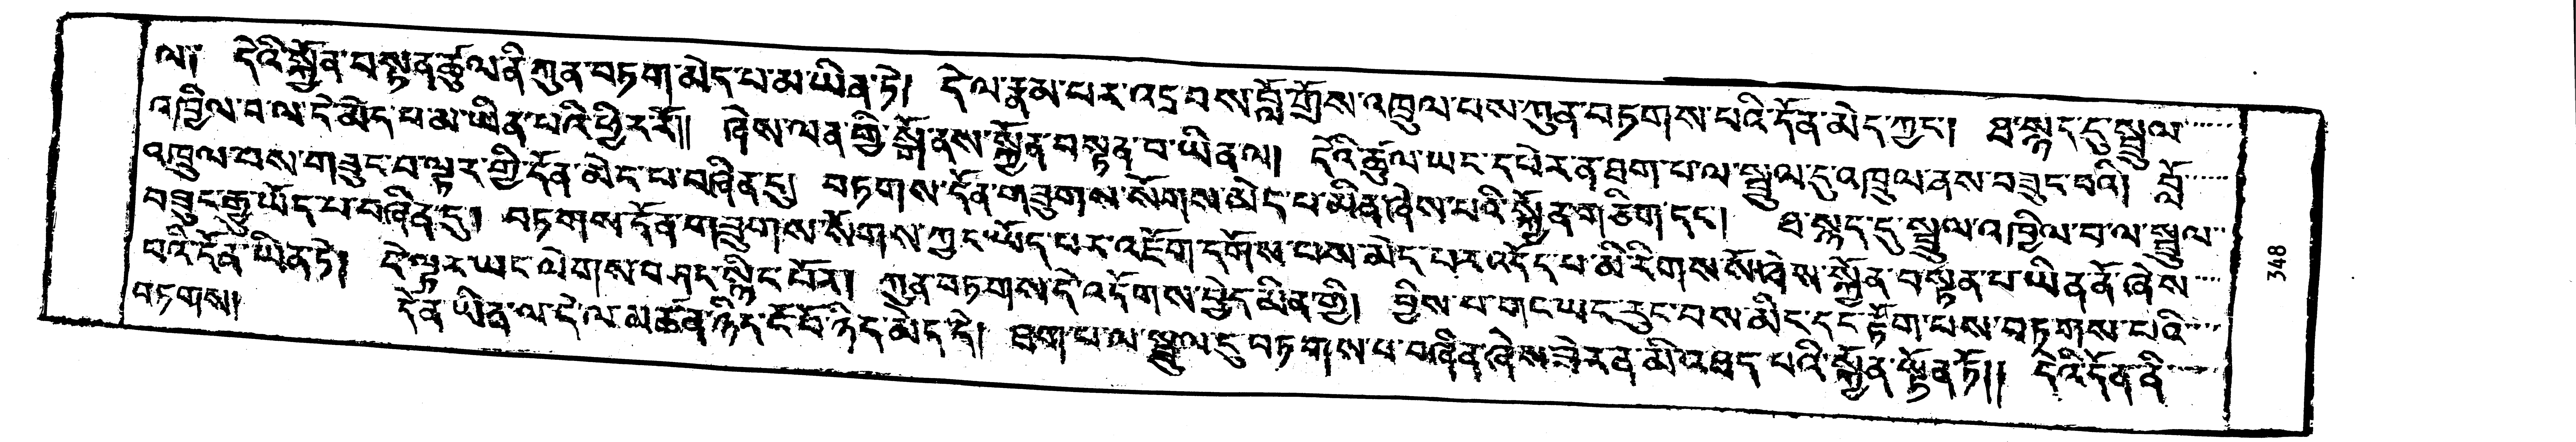ལ། དེའི་སྐྱོན་བསྟན་ཚུལ་ནི་ཀུན་བཏགས་མེད་པ་མ་ཡིན་ཏེ། དེ་ལ་རྣམ་པར་འདྲ་བས་བློ་གྲོས་འཁྲུལ་བས་ཀུན་བཏགས་པའི་དོན་མེད་ཀྱང་། ཐ་སྙད་དུ་སྦྲུལ་
འཁྱིལ་བ་ལ་དེ་མེད་པ་མ་ཡིན་པའི་ཕྱིར་རོ། །ཞེས་ལན་གྱི་སྒོ་ནས་སྐྱོན་བསྟན་པ་ཡིན་ལ། དེའི་ཚུལ་ཡང་དཔེར་ན་ཐག་པ་ལ་སྦྲུལ་དུ་འཁྲུལ་ནས་བཟུང་བའི། བློ་
འཁྲུལ་བས་གཟུང་བ་ལྟར་གྱི་དོན་མེད་པ་བཞིན་དུ། བཏགས་དོན་གཟུགས་སོགས་མེད་པ་མིན་ཞེས་པའི་སྐྱོན་གཅིག་དང་། ཐ་སྙད་དུ་སྦྲུལ་འཁྱིལ་བ་ལ་སྦྲུལ་
བཟུང་རྒྱུ་ཡོད་པ་བཞིན་དུ། བཏགས་དོན་གཟུགས་སོགས་ཀྱང་ཡོད་པར་འཇོག་དགོས་པས་མེད་པར་འདོད་པ་མི་རིགས་སོ་ཞེས་སྐྱོན་བསྟན་པ་ཡིན་ནོ་ཞེས་
བའི་དོན་ཡིན་ཏེ། དེ་ལྟར་ཡང་ལེགས་བཤད་སྙིང་པོར། ཀུན་བཏགས་དེ་འདོགས་བྱེད་མིན་གྱི། བྱིས་པ་གང་ཡང་རུང་བས་མིང་དང་རྟོག་པས་བཏགས་པའི་
བཏགས། དོན་ཡིན་ལ་དེ་ལ་མཚན་ཉིད་ངོ་བོ་ཉིད་མེད་དེ། ཐག་པ་ལ་སྦྲུལ་དུ་བཏགས་པ་བཞིན་ཞེས་ཟེར་ན་མི་འཐད་པའི་སྐྱོན་སྟོན་ཏོ། །དེའི་དོན་ནི་